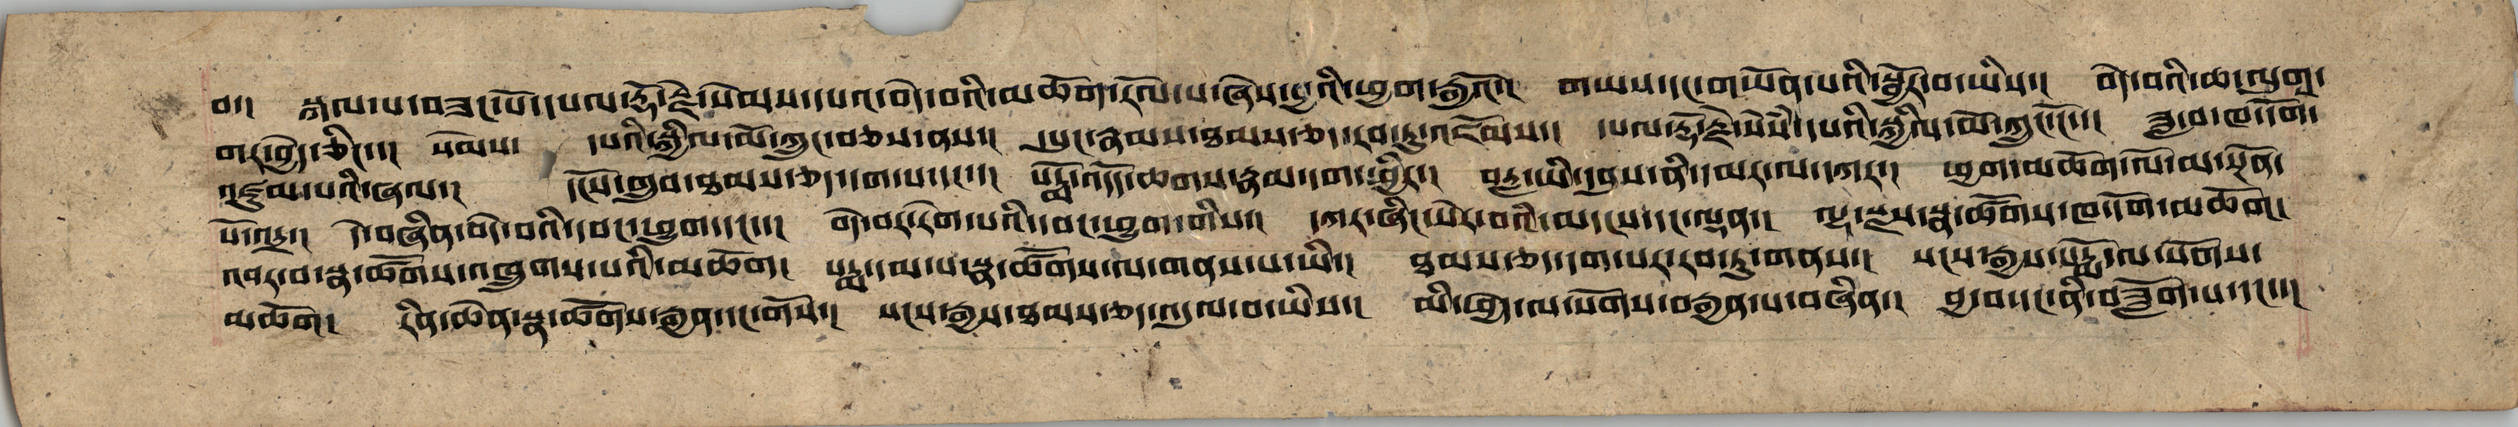བ་། སྐལ་པ་བཟང་པོ་དཔལ་རྡོ་རྗེ་སེམས་དཔའ་བདེ་བའི་མཆོག་རོལ་པ་ཞེས་བྱྲའི་ཕྱག་རྒྱའོ་། གཡས་དང་གཡོན་པའི་སྦྱོར་བ་ཡིས་། བདེ་བའི་ཆ་ལུག་
གར་བྱེད་ཅིང་། སེམས་ དཔའི་སྐྱིལ་མོ་ཀྲུང་བཅས་ནས་། དཔུང་རྣམས་ཐམས་ཅད་རབ་ཏུ་འཇོམས་། དཔལ་རྡོ་རྗེ་སེཾས་དཔའི་སྐྱིལ་མོ་ཀྲུང་ངོ་་། ཟླ་བ་ཁ་དོག
འཛུམ་པའི་ཞལ་། དངོས་གྲུབ་ཐམས་ཅད་དག་པ་དང་་། པདྨོ་འདོད་ཆགས་རྣམ་དག་ཕྱིར་། བརླ་ཡི་དབུས་ནི་དམར་ལ་དཀར་། ཕྱག་མཆོག་ལོ་མ་སྔོན་
པོ་འདྲ་། དེ་བཞིན་བདེ་བའི་དབང་ཕྱུག་དང་་། བདེ་བར་རེག་པའི་དབང་ཕྱུག་གིས་། དཀར་ཞིང་སེར་བའི་མདངས་དང་ལྡན་། ལྷ་སྫས་སྣ་ཚོགས་ཁ་དོག་མཆོག་
འབར་བ་སྣ་ཚོགས་འཁྲུགས་པའི་མཆོག། པདྨ་དམ་པ་སྣ་ཚོགས་ལ་གནས་པ་ཡི་། ཐམས་ཅད་དག་པར་རབ་ཏུ་གནས་། སངས་རྒྱས་པདྨོ་ལ་སོགས་
མཆོག། རིན་ཆེན་སྣ་ཚོགས་རྒྱན་དང་གོས་། སངས་རྒྱས་ཐམས་ཅད་འདུལ་བ་ཡིས་། མི་ཕྱེད་ལ་སོགས་བརྒྱན་པ་བཞིན་། བྱབ་དང་ནི་བཟློག་པ་དང་་།